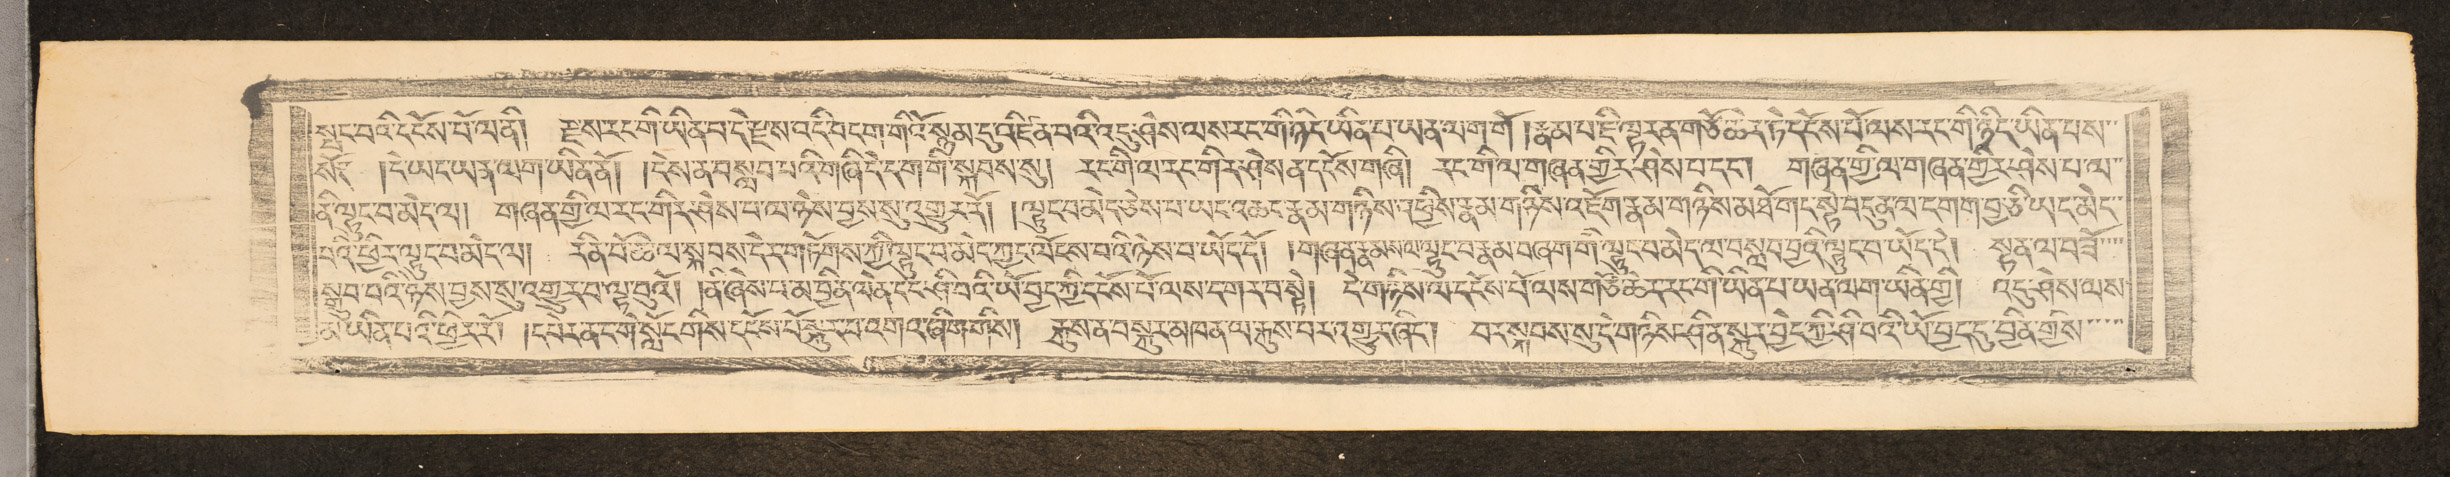སྤང་བའི་དངོས་པོ་ལ་ནི། རྫས་རང་གི་ཡིན་པ་དེ་རྫས་འདི་བདག་གིའོ་སྙམ་དུ་འཛིན་པའི་འདུ་ཤེས་ལས་རང་གི་ཉིད་ཡིན་པ་ཡན་ལག་གོ །རྣམ་པ་ཇི་ལྟར་ན་གཙོ་ཆེར་ཏེ་དངོས་པོ་ལས་རང་གི་ཉིད་ཡིན་པས་
སོ༑ །དེ་ཡང་ཡན་ལག་ཡིན་ནོ། །དེས་ན་བསླབ་པའི་གཞི་དེ་དག་གི་སྐབས་སུ། རང་གི་ལ་རང་གིར་ཤེས་ན་དངོས་གཞི། རང་གི་ལ་གཞན་གྱིར་ཤེས་པ་དང་། གཞན་གྱི་ལ་གཞན་གྱིར་ཤེས་པ་ལ་
ནི་ལྟུང་བ་མེད་ལ། གཞན་གྱི་ལ་རང་གིར་ཤེས་པ་ལ་ཉེས་བྱས་སུ་འགྱུར་རོ། །ལྟུང་བ་མེད་ཅེས་པ་ཡང་འཆད་རྣམ་གཉིས་འཕྱིས་རྣམ་གཉིས་འཇོག་རྣམ་གཉིས་མཐོ་གང་སྟེ་བདུན་ལ་དགག་བྱ་ཅི་ཡང་མེད་
པའི་ཕྱིར་ལྟུང་བ་མེད་ལ། རིན་པོ་ཆེ་ལ་སྐབས་དེར་གཏོགས་ཀྱི་ལྟུང་བ་མེད་ཀྱང་ལོངས་པའི་ཉེས་པ་ཡོད་དོ། །གཞན་རྣམས་ལ་ལྟུང་བ་རྣམ་བཞག་གི་ལྟུང་བ་མེད་ལ་བསླབ་བྱའི་ལྟུང་བ་ཡོད་དེ། སྟན་ལ་བཟོ་
སྒྲུབ་པའི་ཉེས་བྱས་སུ་འགྱུར་བ་ལྟ་བུའོ། །ནི་ཞེས་པ་མ་བྱིན་ལེན་དང་ཤི་བའི་ཡོ་བྱད་ཀྱི་དངོས་པོ་ལས་དགར་བ་སྟེ། དེ་གཉིས་ལ་དངོས་པོ་ལས་གཙོ་ཆེར་རང་གི་ཡིན་པ་ཡན་ལག་ཡིན་གྱི། འདུ་ཤེས་ལས་
མ་ཡིན་པའི་ཕྱིར་རོ། །དཔེར་ན་དགེ་སློང་གིས་དངོས་པོ་སྐུར་བ་འགའ་ཞིག་གིས། རྐུས་ན་བསྐུར་མཁན་ལ་རྐུས་པར་འགྱུར་ཞིང་། བར་སྐབས་སུ་དེ་གཉིས་ཤི་ན་སྐུར་བྱེད་ཀྱི་ཤི་བའི་ཡོ་བྱད་དུ་བྱིན་གྱིས་